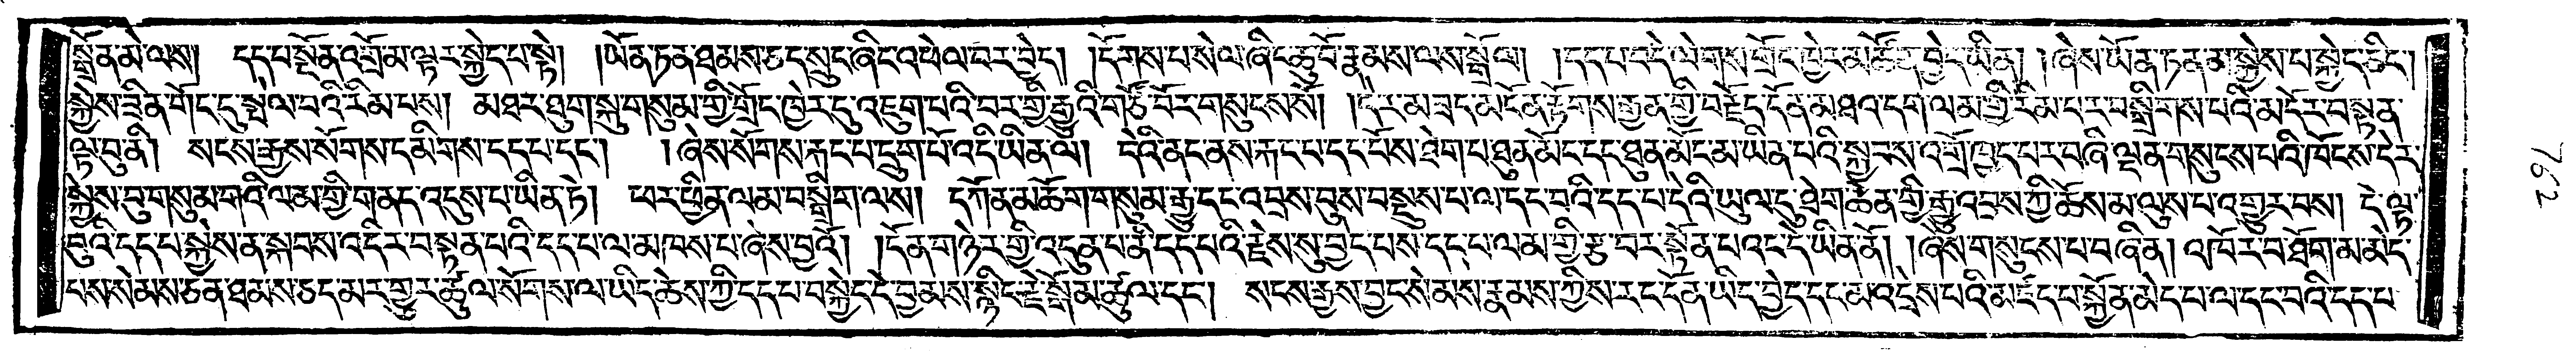སྒྲོན་མེ་ལས། དད་པ་སྔོན་འགྲོ་མ་ལྟར་སྐྱེད་པ་སྟེ། །ཡོན་ཏན་ཐམས་ཅད་སྲུང་ཞིང་འཕེལ་བར་བྱེད། །དོགས་པ་སེལ་ཞིང་ཆུ་བོ་རྣམས་ལས་སྒྲོལ། །དད་པ་བདེ་ལེགས་གྲོང་ཁྱེར་མཚོན་བྱེད་ཡིན། །ཞེས་ཡོན་ཏན་མ་སྐྱེས་པ་སྐྱེད་ཅིང་།
སྐྱེས་ཟིན་གོང་དུ་སྤེལ་བའི་རིམ་པས། མཐར་ཐུག་སྐུ་གསུམ་གྱི་གྲོང་ཁྱེར་དུ་འཇུག་པའི་བར་གྱི་རྒྱུའི་གཙོ་བོར་གསུངས་སོ། །དེར་མཛད་མངོན་རྟོགས་རྒྱན་གྱི་བརྗོད་དོན་མཐའ་དག་ལམ་གྱི་རིམ་པར་བསྒྲིགས་པའི་མདོར་བསྟན་
ལྟ་བུ་ནི། སངས་རྒྱས་སོགས་དམིགས་དད་པ་དང་། །ཞེས་སོགས་རྐང་པ་དྲུག་པོ་འདི་ཡིན་ལ། དེའི་ནང་ནས་རྐང་པ་དང་པོས་ཐེག་པ་ཐུན་མོང་དང་ཐུན་མོང་མ་ཡིན་པའི་སྐྱབས་འགྲོ་ཁྱད་པར་བཞི་ལྡག་གསུངས་པའི་ཁོངས་དེར་
སྐྱེས་བུ་གསུམ་གའི་ལམ་གྱི་གནད་འདུས་པ་ཡིན་ཏེ། ཕར་ཕྱིན་ལམ་བསྒྲིག་ལས། དཀོན་མཆོག་གསུམ་རྒྱུ་དང་འབྲས་བུས་བསྡུས་པ་ལ་དང་བའི་དད་པ་དེའི་ཡུལ་དུ་ཐེག་ཆེན་གྱི་རྒྱུ་འཕྲས་ཀྱི་ཆོས་མ་ལུས་པ་འགྱུར་བས། དེ་ལྟ་
བུའི་དད་པ་སྐྱེས་ན་སྐབས་འདིར་བསྟན་པའི་དད་པ་ལ་མཁས་པ་ཞེས་བྱའོ། །དོན་གཉེར་གྱི་འདུན་པ་ནི་དད་པའི་རྗེས་སུ་བྱེད་པས་དད་པ་ལམ་གྱི་རྩ་བང་སྟོན་པའང་དེ་ཡིན་ནོ། །ཞེས་གསུངས་པ་བཞིན། འཁོར་བ་ཐོག་མ་མེད་
པས་སེམས་ཅན་ཐམས་ཅད་མར་གྱུར་ཚུལ་སོགས་ལ་ཡིད་ཆེས་ཀྱི་དད་པ་སྐྱེད་དེ་བྱམས་སྙིང་རྗེ་སྒོམ་ཚུལ་དང་། སངས་རྒྱས་བྱང་སེམས་རྣམས་ཀྱིས་རང་དོན་ཡིད་བྱེད་དང་མ་འདྲེས་པའི་མཛད་པ་སྐྱོན་མེད་པ་ལ་དང་བའི་དད་པ་